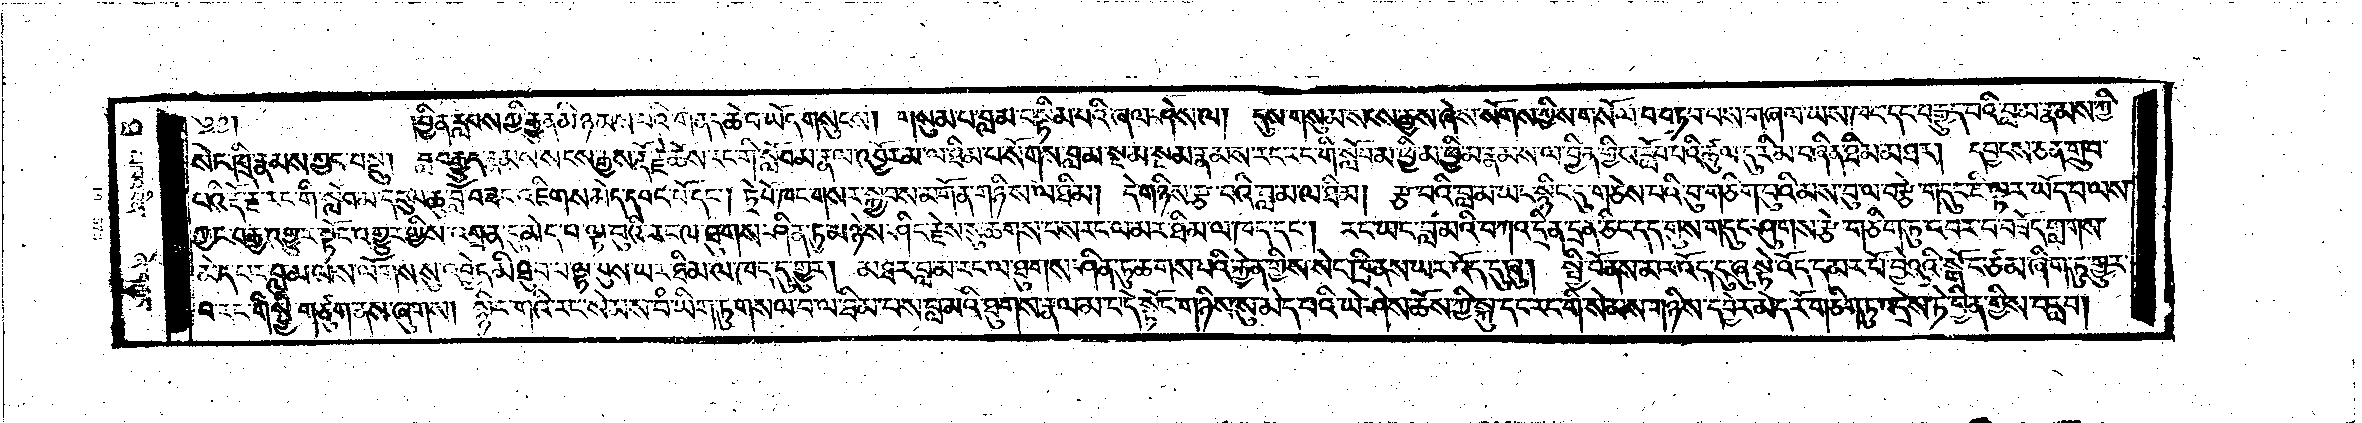༄༅། །བྱིན་རླབས་ཀྱི་རྒྱུན་མི་ཉམས་པའི་གནད་ཆེ་བ་ཡོད་གསུངས། གསུམ་པ་བླ་མ་བསྟིམ་པའི་ཞལ་ཤེས་ལ། དུས་གསུམ་སངས་རྒྱས་ཞེས་སོགས་ཀྱིས་གསོལ་བ་བཏབ་པས་གཞལ་ཡས་ཁང་དང་བརྒྱུད་པའི་བླ་མ་རྣམས་ཀྱི་
སེང་ཁྲི་རྣམས་ཀྱང་བསྡུ། བླ་བརྒྱུད་རྣམས་སངས་རྒྱས་རྡོ་རྗེ་ཆོས་རང་གི་སློབ་མ་རྣལ་འབྱོར་མ་ལ་ཐིམ་པ་སོགས་བླ་མ་སྔ་མ་སྔ་མ་རྣམས་རང་རང་གི་སློབ་མ་ཕྱི་མ་ཕྱི་མ་རྣམས་ལ་བྱིན་གྱིས་རློབ་པའི་ཚུལ་དུ་རིམ་བཞིན་ཐིམ་མཐར། དབྱངས་ཅན་གྲུབ་
པའི་རྡོ་རྗེ་རང་གི་སློབ་མ་དངུལ་ཆུ་བློ་བཟང་འཇིགས་མེད་དབང་པོ་དང་། ཏྲེ་བོ་ཁང་གསར་སྐྱབས་མགོན་གཉིས་ལ་ཐིམ། དེ་གཉིས་རྩ་བའི་བླ་མ་ལ་ཐིམ། རྩ་བའི་བླ་མ་ཡང་སྙིང་དུ་གཅེས་པའི་བུ་གཅིག་པུའི་མས་བུ་ལ་བརྩེ་གདུང་ཇི་ལྟར་ཡོད་པ་ལས་
ཀྱང་བརྒྱ་འགྱུར་སྟོང་འགྱུར་གྱིས་འགྲན་དུ་མེད་པ་ལྟ་བུའི་རང་ལ་ཐུགས་ཤིན་དུ་མཉེས་ཤིང་རྗེས་སུ་ཆགས་པས་རང་ལ་མར་ཐིམ་ལ་ཁང་དང་། རང་ཡང་བླ་མའི་བཀའ་དྲིན་དྲན་ཅིང་དད་གུས་གདུང་ཤུགས་རྩེ་གཅིག་ཏུ་འབར་བ་བཟོད་གླགས་
མེད་པར་བླ་མ་ལས་ལོངས་སུ་འབྱེད་མི་ཐུབ་པ་ལྟ་བུས་ཡར་ཐིམ་ལ་ཁད་དུ་གྱུར། མཐར་བླ་མ་རང་ལ་ཐུགས་ཤིན་ཏུ་ཆགས་པའི་རྐྱེན་གྱིས་སེང་ཁྲི་ནས་ཡར་འོད་དུ་ཞུ། སྤྱི་བོ་ནས་མར་འོད་དུ་ཞུ་སྟེ་འོད་དམར་པོ་བྱེའུའི་སྒོ་ང་ཙམ་ཞིག་ཏུ་གྱུར་
པ་རང་གི་སྤྱི་གཙུག་ནས་ཞུགས། སྙིང་གའི་རང་སེམས་བཾ་?་ཡིག་ཏུ་གསལ་བ་ལ་ཐིམ་པས་བླ་མའི་ཐུགས་རྣལ་མ་བདེ་སྟོང་གཉིས་སུ་མེད་པའི་ཡེ་ཤེས་ཆོས་ཀྱི་སྐུ་དང་རང་གི་སེམས་གཉིས་དབྱེར་མེད་རོ་གཅིག་ཏུ་འདྲེས་ཏེ་བྱིན་གྱིས་བརླབ།